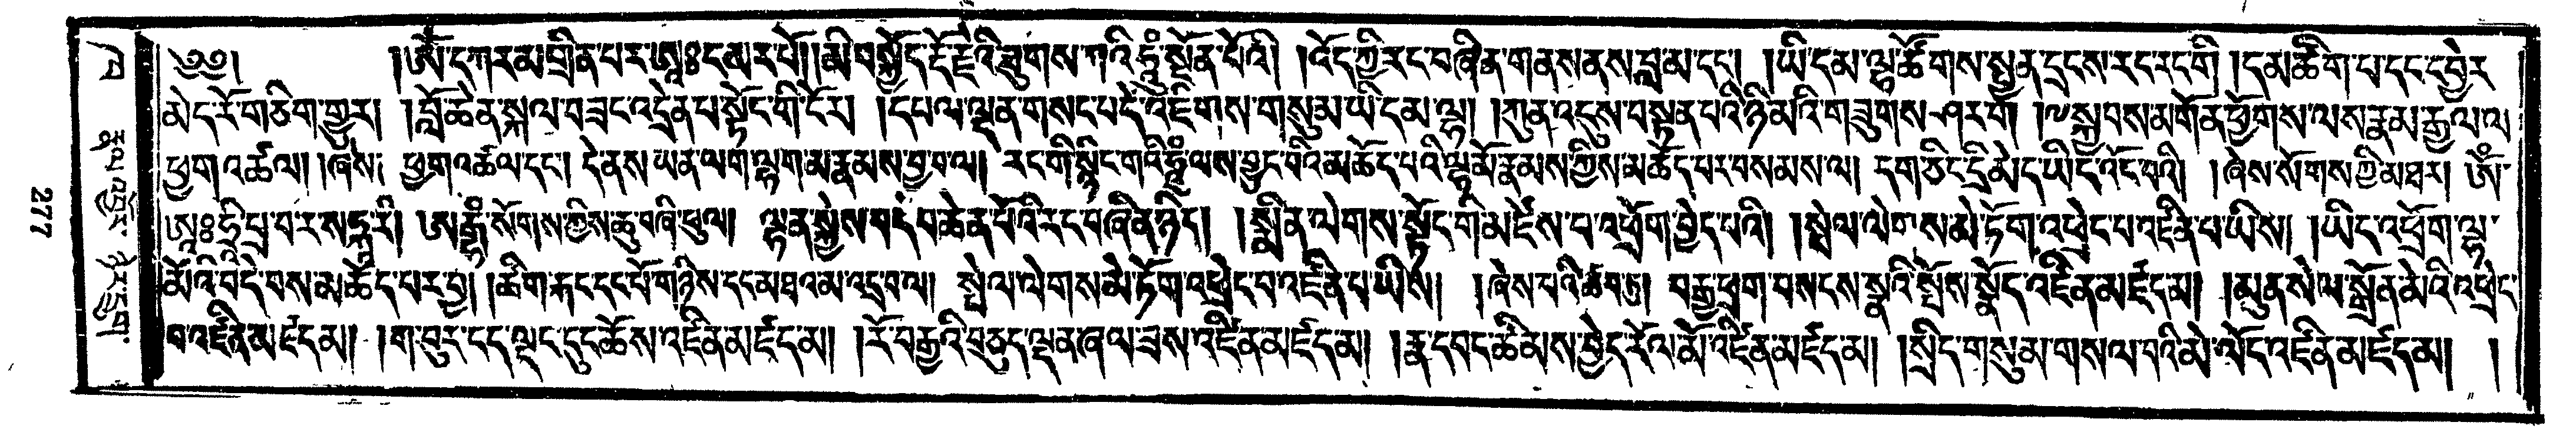༄༅། །ཨོཾ་དཀར་མགྲིན་པར་ཨཱཿ དམར་པོ། །མི་བསྐྱོད་རྡོ་རྗེའི་ཐུགས་ཀའི་ཧཱུཾ་སྔོན་པོའི། །འོད་ཀྱི་རང་བཞིན་གནས་ནས་བླ་མ་དང་། །ཡི་དམ་ལྷ་ཚོགས་སྤྱན་དྲངས་རང་རང་གི །དམ་ཚིག་པ་དང་དབྱེར་
མེད་རོ་གཅིག་གྱུར། །བློ་ཆེན་སྐལ་བཟང་འདྲེན་པ་སྟོང་གི་ངོར། །དཔལ་ལྡན་གསང་པ་དེ་འཇིགས་གསུམ་ཡི་དམ་ལྷ། །ཀུན་འདུས་བསྟན་པའི་ཉི་མའི་གཟུགས་ཤར་པ། །༧་སྐྱབས་མགོན་ཕྱོགས་ལས་རྣམ་རྒྱལ་ལ་
ཕྱག་འཚལ། །ཞེས༑ ཕྱག་འཚལ་དང་། དེ་ནས་ཡན་ལག་ལྷག་མ་རྣམས་བྱ་བ་ལ། རང་གི་སྙིང་གའི་ཧཱུཾ་ལས་བྱུང་བའི་མཆོད་པའི་ལྷ་མོ་རྣམས་ཀྱིས་མཆོད་པར་བསམས་ལ། དག་ཅིང་དྲི་མེད་ཡིད་འོང་བའི། །ཞེས་སོགས་ཀྱི་མཐར། ཨོཾ་
ཨཱཿ ཧྲཱི་པྲ་བ་ར་སཧྐཱ་རི། ཨརྒྷཾ་སོགས་ཀྱིས་ཆུ་བཞི་ཕུལ། ལྷན་སྐྱེས་བདེ་བ་ཆེན་པོའི་རང་བཞིན་ཉིད། །སྨིན་ལེགས་སྟོང་གི་མཛེས་པ་འཕྲོག་བྱེད་པའི། །སྤེལ་ལེགས་མེ་ཏོག་འཕྲེང་བ་འཛིན་པ་ཡིས། །ཡིད་འཕྲོག་ལྷ་
མོའི་བདེ་བས་མཆོད་པར་བྱ། །ཚིག་རྐང་དང་པོ་གཉིས་དང་མཐའ་མ་འདྲ་བ་ལ། སྤེལ་ལེགས་མེ་ཏོག་འཕྲེང་བ་འཛིན་པ་ཡིས། །ཞེས་པའི་ཚབ་ཏུ། བརྒྱ་ཕྲག་བསངས་སྣའི་སྤོས་སྣོད་འཛིན་མཛད་མ། །མུན་སེལ་སྒྲོན་མེའི་འཕྲེང་
བ་འཛིན་མཛད་མ། །ག་བུར་ངད་ལྡང་དུང་ཆོས་འཛིན་མཛད་མ། །རོ་བརྒྱའི་བཅུད་ལྡན་ཞལ་ཟས་འཛིན་མཛད་མ། །རྣ་དབང་ཚིམས་བྱེད་རོལ་མོ་འཛིན་མཛད་མ། །སྲིད་གསུམ་གསལ་བའི་མེ་ལོང་འཛིན་མཛད་མ། །